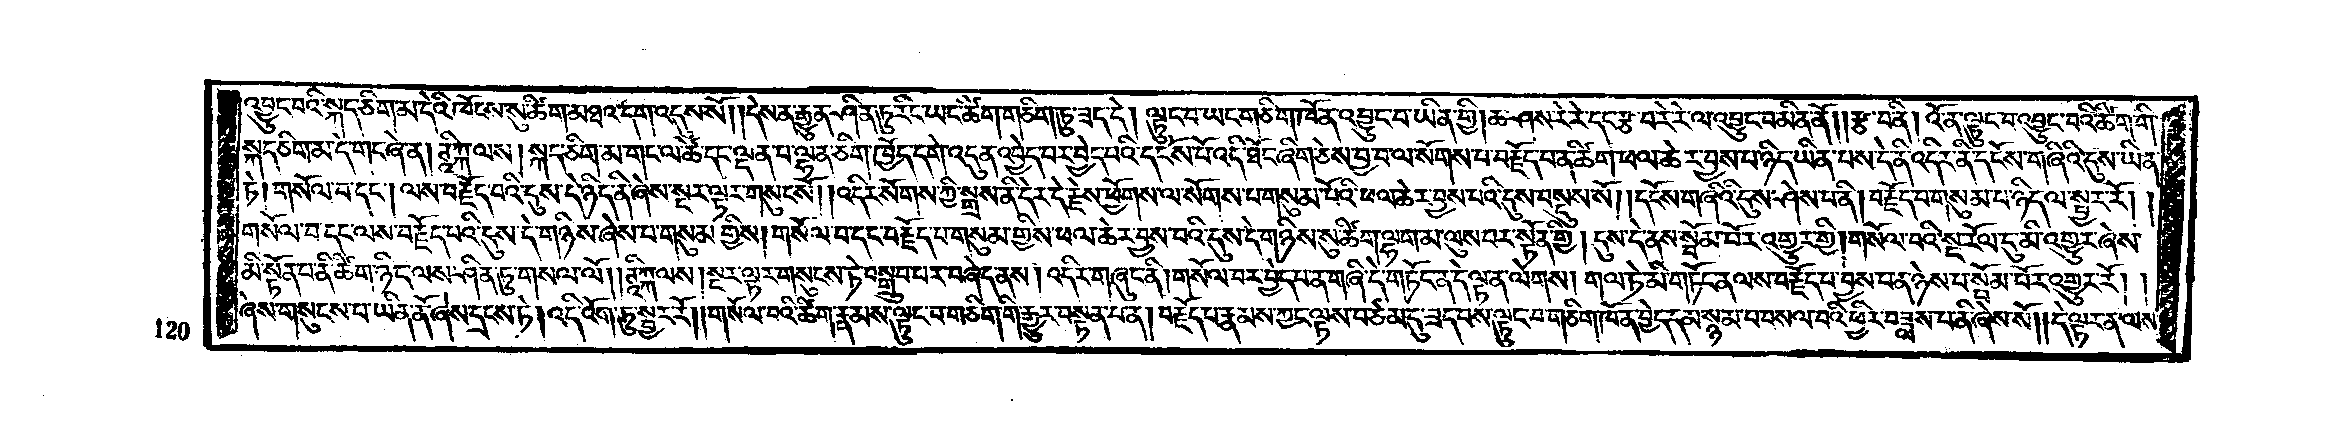འབྱུང་བའི་སྐད་ཅིག་མ་དེའི་ཁོངས་སུ་ཚིག་མཐའ་དག་འདུས་སོ། །དེས་ན་རྒྱུན་ཤིན་ཏུ་རིང་ཡང་ཚིག་གཅིག་ཏུ་ཟད་དེ། ལྟུང་བ་ཡང་གཅིག་ཁོ་ན་འབྱུང་བ་ཡིན་གྱི། ཆ་ཤས་རེ་རེ་དང་རྩ་བ་རེ་རེ་ལ་འབྱུང་བ་མིན་ནོ། །རྩ་བ་ནི། འོ་ན་ལྟུང་བ་འབྱུང་བའི་ཚིག་གི་
སྐད་ཅིག་མ་དེ་གང་ཞེ་ན། ཊཱིཀྐ་ལས། སྐད་ཅིག་མ་གང་ལ་ཚེ་དང་ལྡན་པ་ལྷན་ཅིག་ཁྱོད་དགེ་འདུན་འབྱེད་པར་བྱེད་པའི་དངོས་པོ་འདི་ཐོང་ཞིག་ཅེས་བྱ་བ་ལ་སོགས་པ་བརྗོད་པ་ན་ཚིག་ཕལ་ཆེར་བྱས་པ་ཉིད་ཡིན་པས་དེ་ནི་འདིར་ནི་དངོས་གཞིའི་དུས་ཡིན་
ཏེ། གསོལ་བ་དང་། ལས་བརྗོད་པའི་དུས་དེ་ཉིད་ནི་ཞེས་སྔར་ལྟར་གསུངས་སོ། །འདིར་སོགས་ཀྱི་སྒྲས་ནི་དེར་དེ་རྗེས་ཕྱོགས་ལ་སོགས་པ་གསུམ་པོའི་ཕལ་ཆེར་བྱས་པའི་དུས་བསྡུས་སོ། །དངོས་གཞིའི་དུས་ཤེས་པ་ནི། བརྗོད་པ་གསུམ་པ་ཉིད་ལ་སྦྱར་རོ། །
གསོལ་བ་དང་ལས་བརྗོད་པའི་དུས་དེ་གཉིས་ཞེས་པ་གསུམ་གྱིས། གསོལ་བ་དང་བརྗོད་པ་གསུམ་གྱིས་ཕལ་ཆེར་བྱས་པའི་དུས་དེ་གཉིས་སུ་ཚིག་ལྷག་མ་ལུས་བར་སྟོན་གྱི། དུས་དེ་ནས་སྦོམ་པོར་འགྱུར་གྱི། གསོལ་བའི་སྔ་རོལ་དུ་མི་འགྱུར་ཞེས་
མི་སྟོན་པ་ནི་ཚིག་ཉིད་ལས་ཤིན་ཏུ་གསལ་ལོ། །ཊཱིཀྐ་ལས། སྔར་ལྟར་གསུངས་ཏེ་བསྒྲུབ་པར་བཞེད་ནས། འདིར་གཞུང་ནི། གསོལ་བར་བྱེད་པ་ན་གཞི་དེ་གཏོང་ན་དེ་ལྟ་ན་ལེགས། གལ་ཏེ་མི་གཏོང་ན་ལས་བརྗོད་པ་བྱས་པ་ན་ཉེས་པ་སྦོམ་པོར་འགྱུར་རོ། །
ཞེས་གསུངས་པ་ཡིན་ནོ་ཞེས་དྲངས་ཏེ། འདི་འོག་ཏུ་སྦྱར་རོ། །གསོལ་བའི་ཚིག་རྣམས་ལྟུང་བ་གཅིག་གི་རྒྱུར་བསྟན་པ་ན། བརྗོད་པ་རྣམས་ཀྱང་ལྟས་བ་ཙམ་དུ་ཟད་པས་ལྟུང་བ་གཅིག་ཁོ་ན་བྱེད་དམ་སྙམ་པ་བསལ་བའི་ཕྱིར་བཟླས་པ་ནི་ཞེས་སོ། །དེ་ལྟར་ན་ལས་